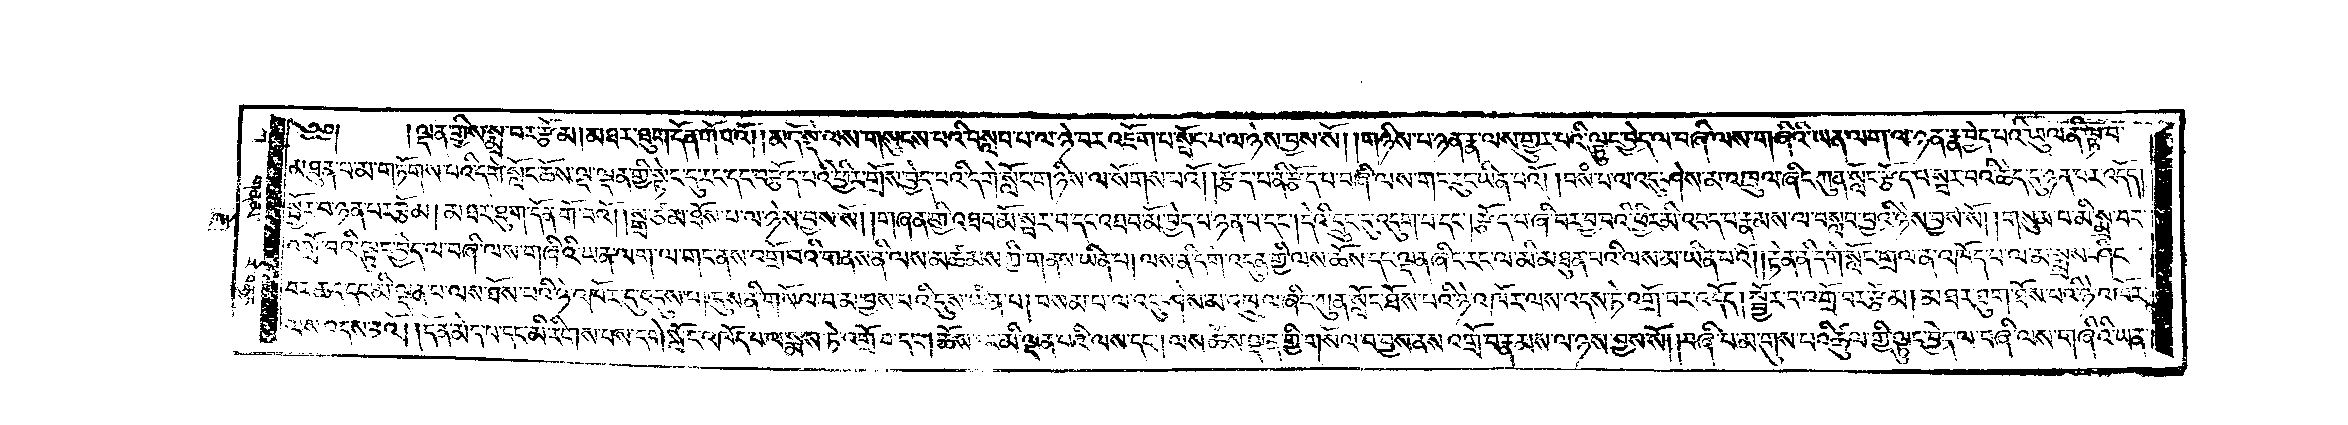༄༅། །ལྡན་གྱིས་སྨྲ་བར་རྩོམ། མཐར་ཐུག་དོན་གོ་བའོ། །མདོ་སྡེ་ལས་གསུངས་པའི་བསླབ་པ་ལ་ཉེ་བར་འཇོག་པ་སྤོང་པ་ལ་ཉེས་བྱས་སོ། །གཉིས་པ་ཉན་རྣ་ལས་གྱུར་པའི་ལྟུང་བྱེད་ལ་བཞི་ལས་གཞིའི་ཡན་ལག་ལ་ཉན་རྣ་བྱེད་པའི་ཡུལ་ནི་ལྟ་བ་
མཐུན་པ་མ་གཏོགས་པའི་དགེ་སློང་ཆོས་ལྔ་ལྡན་གྱི་སྟེང་དུ་རང་དང་བརྩོད་པའི་ཕྱིར་གྲོས་བྱེད་པའི་དགེ་སློང་གཉིས་ལ་སོགས་པའོ། །རྩོད་པ་ནི་རྩོད་པ་བཞི་ལས་གང་རུང་ཡིན་པའོ། །བསཾ་པ་ལ་འདུ་ཤེས་མ་འཁྲུལ་ཞིང་ཀུན་སློང་རྩོད་པ་སྦར་བའི་ཆེད་དུ་ཉན་པར་འདོད།
སྦྱོར་བ་ཉན་པར་རྩོམ། མཐར་ཐུག་དོན་གོ་བའོ། །སྒྲ་ཙམ་ཐོས་པ་ལ་ཉེས་བྱས་སོ། །གཞན་གྱི་འཐབ་མོ་སྦར་བ་དང་འཐབ་མོ་བྱེད་པ་ཉན་པ་དང་། དེའི་དྲུང་དུ་འདུག་པ་དང་། རྩོད་པ་ཞི་བར་བྱ་བའི་ཕྱིར་མི་འབད་པ་རྣམས་ལ་བསླབ་བྱའི་ཉེས་བྱས་སོ། །གསུམ་པ་མི་སྨྲ་བར་
འགྲོ་བའི་ལྟུང་བྱེད་ལ་བཞི་ལས་གཞིའི་ཡན་ལག་ལ་གང་ནས་འགྲོ་བའི་གནས་ནི་ལས་མཚམས་ཀྱི་གནས་ཡིན་པ། ལས་ནི་དགེ་འདུན་གྱི་ལས་ཆོས་དང་ལྡན་ཞིང་རང་ལ་མི་མཐུན་པའི་ལས་མ་ཡིན་པའོ། །རྟེན་ནི་དགེ་སློང་གྲལ་ན་འཁོད་པ་ལ་མ་སྨྲས་ཤིང་
བར་ཆད་དང་མི་ལྡན་པ་ལས་ཐོས་པའི་ཉེ་འཁོར་དུ་འདུས་པ། དུས་ནི་གསོལ་བ་མ་བྱས་པའི་དུས་ཡིན་པ། བསམ་པ་ལ་འདུ་ཤེས་མ་འཁྲུལ་ཞིང་ཀུན་སློང་ཐོས་པའི་ཉེ་འཁོར་ལས་འདས་ཏེ་འགྲོ་བར་འདོད། སྦྱོར་བ་འགྲོ་བར་རྩོམ། མཐར་ཐུག་ཐོས་པའི་ཉེ་འཁོར་
ལས་འདས་པའོ། །དོན་མེད་པ་དང་མི་རིགས་པས་དགེ་སློང་འཁོད་པ་ལ་སྨས་ཏེ་འགྲོ་བ་དང་། ཆོས་དང་མི་ལྡན་པའི་ལས་དང་། ལས་ཆོས་ལྡན་གྱི་གསོལ་བ་བྱས་ནས་འགྲོ་བ་རྣམས་ལ་ཉས་བྱས་སོ། །བཞི་པ་མ་གུས་པའི་ཚུལ་གྱི་ལྟུང་བྱེད་ལ་བཞི་ལས་གཞིའི་ཡན་